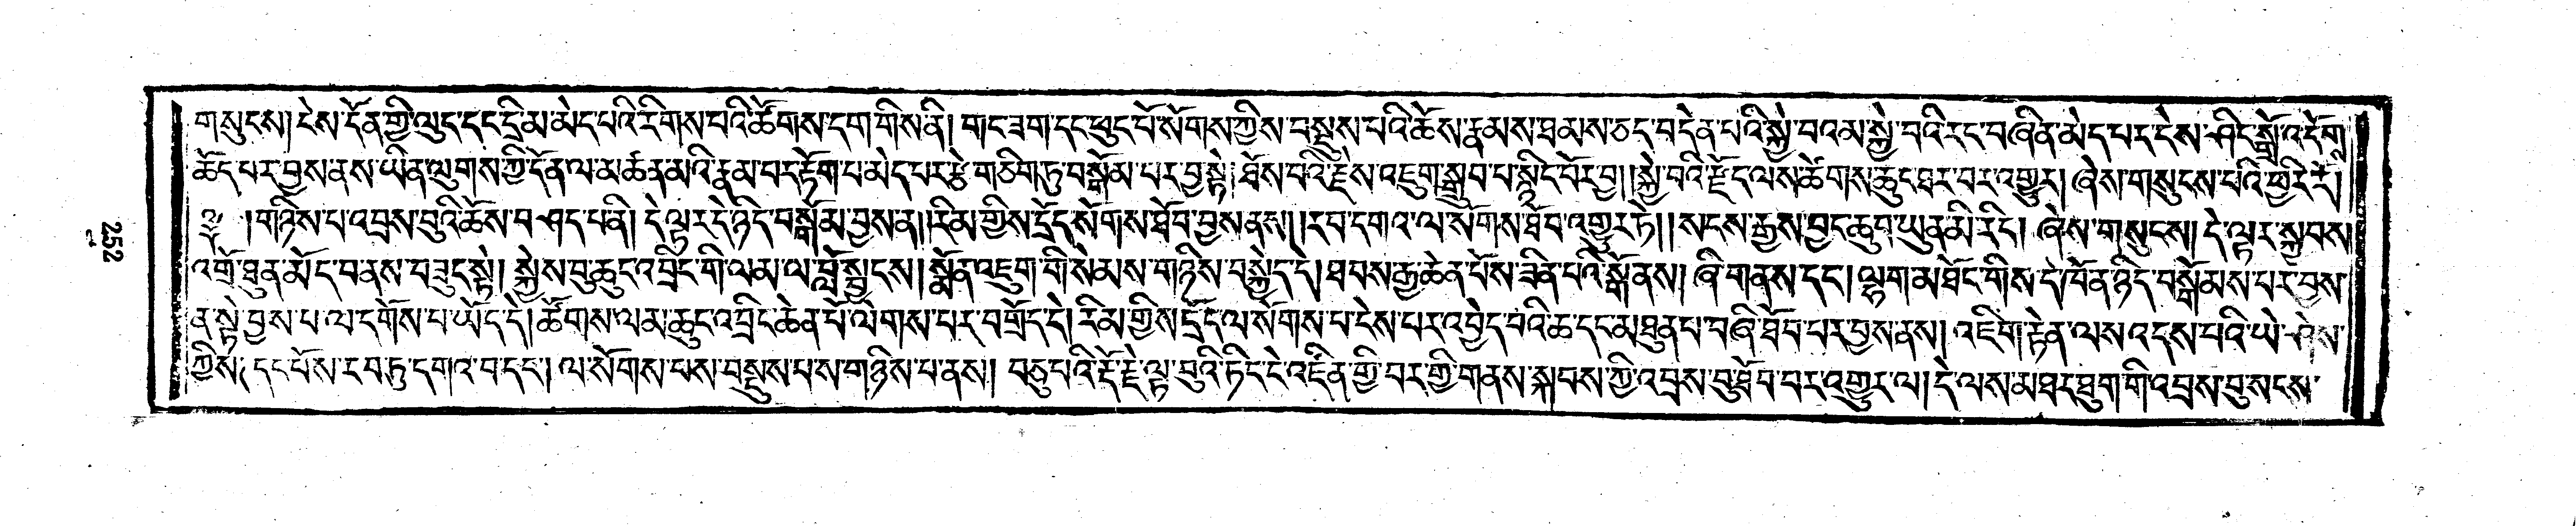གསུངས། ངེས་དོན་གྱི་ལུང་དང་དྲི་མ་མེད་པའི་རིགས་པའི་ཚོགས་དག་གིས་ནི། གང་ཟག་དང་ཕུང་པོ་སོགས་ཀྱིས་བསྡུས་པའི་ཆོས་རྣམས་ཐམས་ཅད་བདེན་པའི་སྐྱེ་བའམ་སྐྱེ་བའི་རང་བཞིན་མེད་པར་ངེས་ཤིང་སྒྲོ་འདོགས་
ཆོད་པར་བྱས་ནས་ཡིན་ལུགས་ཀྱི་དོན་ལ་མཚན་མའི་རྣམ་པར་རྟོག་པ་མེད་པར་རྩེ་གཅིག་ཏུ་བསྒོམ་པར་བྱ་སྟེ། ཐོས་པའི་རྗེས་འཇུག་སྒྲུབ་པ་སྙིང་པོར་བྱ། །སྐྱེ་བའི་རྫོང་ལས་ཚེགས་ཆུང་ཐར་བར་འགྱུར། ཞེས་གསུངས་པའི་ཕྱིར་རོ།
༈ །གཉིས་པ་འབྲས་བུའི་ཆོས་བཤད་པ་ནི། དེ་ལྟར་དེ་ཉིད་བསྒོམ་བྱས་ན། །རིམ་གྱིས་དྲོད་སོགས་ཐོབ་བྱས་ནས། །རབ་དགའ་ལ་སོགས་ཐོབ་འགྱུར་ཏེ། །སངས་རྒྱས་བྱང་ཆུབ་ཡུན་མི་རིང་། ཞེས་གསུངས། དེ་ལྟར་སྐྱབས་
འགྲོ་ཐུན་མོང་བ་ནས་བཟུང་སྟེ། སྐྱེས་བུ་ཆུང་འབྲིང་གི་ལམ་ལ་བློ་སྦྱངས། སྨོན་འཇུག་གི་སེམས་གཉིས་བསྐྱེད་དེ། ཐབས་རྒྱ་ཆེན་པོས་ཟིན་པའི་སྒོ་ནས། ཞི་གནས་དང་། ལྷག་མཐོང་གིས་དེ་ཁོ་ན་ཉིད་བསྒོམས་པར་བྱས་
ན་སྟེ་བྱས་པ་ལ་དགོས་པ་ཡོད་དེ། ཚོགས་ལམ་ཆུང་འབྲིང་ཆེན་པོ་ལེགས་པར་བགྲོད་དེ། རིམ་གྱིས་དྲོད་ལ་སོགས་པ་ངེས་པར་འབྱེད་པའི་ཆ་དང་མཐུན་པ་བཞི་ཐོབ་པར་བྱས་ནས། འཇིག་རྟེན་ལས་འདས་པའི་ཡེ་ཤེས་
ཀྱིས༑ དང་པོ་ས་རབ་ཏུ་དགའ་བ་དང་། ལ་སོགས་པས་བསྡུས་པ་ས་གཉིས་པ་ནས། བཅུ་པའི་རྡོ་རྗེ་ལྟ་བུའི་ཏིང་ངེ་འཛིན་གྱི་བར་གྱི་གནས་སྐབས་ཀྱི་འབྲས་བུ་ཐོབ་པར་འགྱུར་ལ། དེ་ལས་མཐར་ཐུག་གི་འབྲས་བུ་སངས་